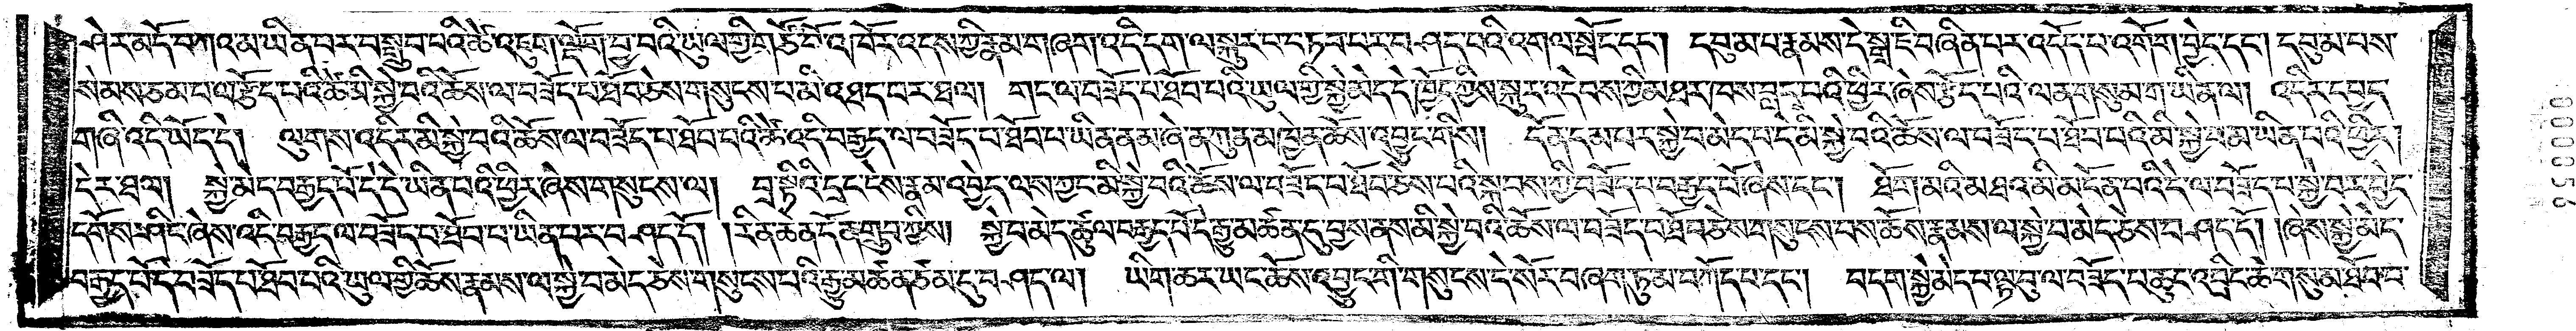ཤེར་མདོ་བཀའ་མ་ཡིན་པར་བསྒྲུབ་པའི་ཚེ་འཇུག་ལྡོག་བྱ་བའི་ཡུལ་གྱི་གཙོ་བོ་འཁོར་འདས་ཀྱི་རྣམ་གཞག་འདི་དག་ལ་སྐུར་བ་བཏབ་པར་བཤད་པའི་འགལ་སྤོང་དང་། དབུ་མ་པ་རྣམས་དེ་སྒྲ་ཇི་བཞིན་པར་འདོད་པ་འགོག་བྱེད་དང་། དབུ་མ་པས་
སེམས་ཙམ་པ་ལ་རྩོད་པའི་ཚེ་མི་སྐྱེ་བའི་ཆོས་ལ་བཟོད་པ་ཐོབ་ཅེས་གསུངས་པ་མི་འཐད་པར་ཐལ། གང་ལ་བཟོད་པ་ཐོབ་པའི་ཡུལ་གྱི་སྐྱེ་མེད་དེ་ཁྱོད་ཀྱིས་སྐུར་འདེབས་ཀྱི་མཐར་ཁས་བླངས་པའི་ཕྱིར་ཞེས་རྩོད་པའི་ལན་གསུམ་ག་ཡིན་ལ། འདིར་དཔྱད་
གཞི་འདི་ཡོད་དེ། ལུགས་འདིར་མི་སྐྱེ་བའི་ཆོས་ལ་བཟོད་པ་ཐོབ་པའི་ཚེ་འདི་བརྒྱད་ལ་བཟོད་པ་ཐོབ་པ་ཡིན་ནམ་ཞེ་ན་ཀུན་མཁྱེན་ཆོས་འབྱུང་གིས། དོན་དམ་པར་སྐྱེ་བ་མེད་པ་དེ་མི་སྐྱེ་བའི་ཆོས་ལ་བཟོད་པ་ཐོབ་པའི་མི་སྐྱེ་བ་མ་ཡིན་པའི་ཕྱིར།
དེར་ཐལ། སྐྱེ་མེད་བརྒྱད་པོ་དེ་དེ་ཡིན་པའི་ཕྱིར་ཞེས་གསུངས་ལ། བྲ་སྟིའི་དྲང་ངེས་རྣམ་འབྱེད་ལས་ཀྱང་མི་སྐྱེ་བའི་ཆོས་ལ་བཟོད་པ་ཐོབ་ཅེས་པའི་སྐབས་ཀྱི་བཟོད་པ་བརྒྱད་པོ་ཞེས་དང་། ཐོག་མའི་མཐའ་མི་མངོན་པའི་དེ་ལ་བཟོད་པ་སྐྱེ་བར་བྱེད་
དགོས་ཤིང་ཞེས་འདི་བརྒྱད་ལ་བཟོད་པ་ཐོབ་པ་ཡིན་པར་བཤད་དོ། །རིན་ཆེན་དོན་གྲུབ་ཀྱིས། སྐྱེ་བ་མེད་ཚུལ་བརྒྱད་པོ་དེ་རྒྱུ་མཚན་དུ་བྱས་ནས་མི་སྐྱེ་བའི་ཆོས་ལ་བཟོད་པ་ཐོབ་ཅེས་གསུངས་པས་ཆོས་རྣམས་ལ་སྐྱེ་བ་མེད་ཅེས་བཤད་དོ། །ཞེས་སྐྱེ་མེད་
བརྒྱད་པོ་དེ་བཟོད་པ་ཐོབ་པའི་ཡུལ་གྱི་ཆོས་རྣམས་ལ་སྐྱེ་བ་མེད་ཅེས་གསུངས་པའི་རྒྱུ་མཚན་ཙམ་དུ་བཤད་ལ། ཡིག་ཆར་ཡང་ཆོས་འབྱུང་གི་གསུངས་དེ་སོར་བཞག་ཏུ་མ་བཀོད་པ་དང་། བདག་སྐྱེ་མེད་པ་ལྟ་བུ་ལ་བཟོད་པ་ཆུང་འབྲིང་ཆེ་གསུམ་ཐོབ་པ་